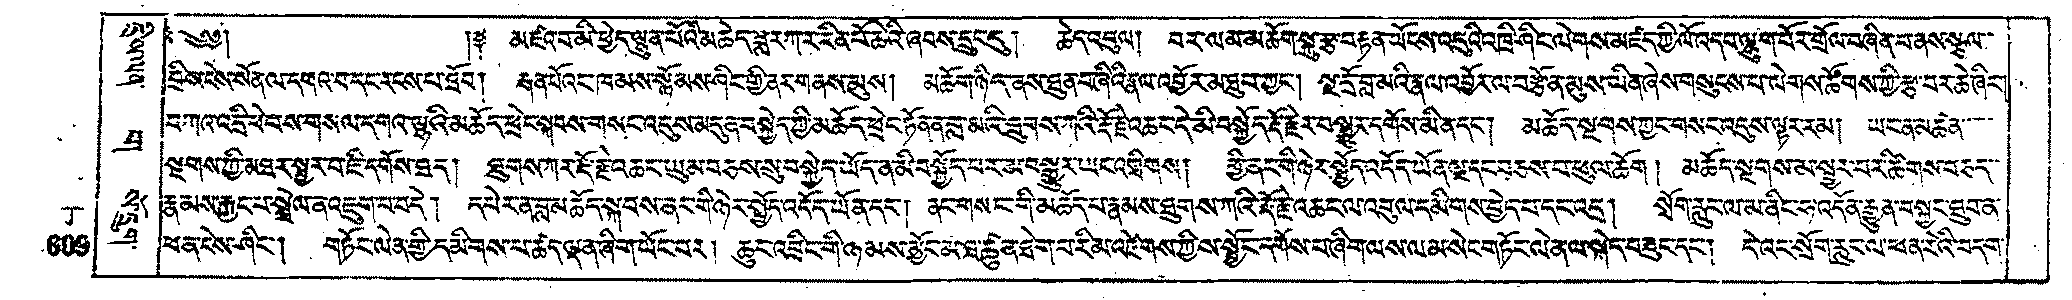༄༅། །འ་མཛའ་བ་མི་ཕྱེད་ལྷུན་པོའི་མཆེད་ཟླ་རག་ཀ་རིན་པོ་ཆེའི་ཞབས་དྲུང་དུ། ཆེད་འབུལ། བར་ལམ་མཆོག་སྐུ་རྩ་བརྟན་ཡོངས་འདུའི་འཁྲི་ཤིང་ལེགས་མཛད་ཀྱི་ལོ་འདབ་ལྷུག་པོར་གྲོལ་བཞིན་པ་ནས་སྩལ་་་
བྲིས་ངེས་སོན་ལ་དགའ་བ་དང་རངས་པ་ཐོབ། རྒན་པོའང་ཁམས་སྙོམས་ཤིང་གྱི་ནར་གནས་མུས། མཆོག་ཉིད་ནས་ཐུན་བཞིའི་རྣལ་འབྱོར་མ་ཐུབ་ཀྱང་། སྔ་དྲོ་བླ་མའི་རྣལ་འབྱོར་ལ་བརྩོན་མུས་ཡིན་ཞེས་གསུངས་པ་ལེགས་ཚོགས་ཀྱི་རྩ་བར་ཆེ་ཞིང་།
བཀའ་འདྲི་ཕེབས་གསལ་དགའ་ལྷའི་མཆོད་ཕྲེང་སྐབས་གསང་འདུས་མདུན་བསྐྱེད་ཀྱི་མཆོད་ཕྲེང་ཏོན་ན་བླ་མའི་ཐུགས་ཀའི་རྡོ་རྗེ་འཆང་དེ་མི་བསྐྱོད་རྡོ་རྗེར་བསྒྱུར་དགོས་མིན་དང་། མཆོད་སྔགས་ཀྱང་གསང་འདུས་ལྟར་རམ། ཡང་ན་མཚན་་་
སྔགས་ཀྱི་མཐར་སྦྱར་བ་ཇི་དགོས་ཐད། ཐུགས་ཀར་རྡོ་རྗེ་འཆང་ཡུམ་བཅས་སུ་བསྐྱེད་ཡོད་ན་མི་བསྐྱོད་པར་མ་བསྒྱུར་ཡང་འགྲིགས། ཕྱི་ནང་གི་ཉེར་སྤྱོད་འདོད་ཡོན་ལྔ་དང་བཅས་པ་ཕུལ་ཆོག། མཆོད་སྔགས་མ་སྦྱར་བར་ཚིགས་བཅད་་་
རྣམས་རྐྱང་པ་སྦྲེལ་ན་འཇུག་པ་བདེ། དཔེར་ན་བླ་མཆོད་སྐབས་ནང་གི་ཉེར་སྤྱོད་འདོད་ཡོན་དང་། ནང་གསང་གི་མཆོད་པ་རྣམས་ཐུགས་ཀའི་རྡོ་རྗེ་འཆང་ལ་འབུལ་དམིགས་བྱེད་པ་དང་འདྲ། སྲོག་རླུང་ལ་མ་ནིང་ཧ་འདོན་རྒྱུན་བསྐྱང་ཐུབ་ན་
ཕན་ངེས་ཤིང་། གཏོང་ལེན་གྱི་དམིགས་པ་ཚད་ལྡན་ཞིག་ཡོང་བར། ཆུང་འབྲིང་གི་ཉམས་མྱོང་མ་ཐ་ཚུན་ཐེག་པ་རིམ་འཛེགས་ཀྱིས་སྦྱོང་དགོས་པ་ཞིག་ལ་ལམ་སེང་གཏོང་ལེན་ལ་སྐེད་བཟུང་དང་། དེའང་སྲོག་རླུང་ལ་ཕན་རེའི་བདག་